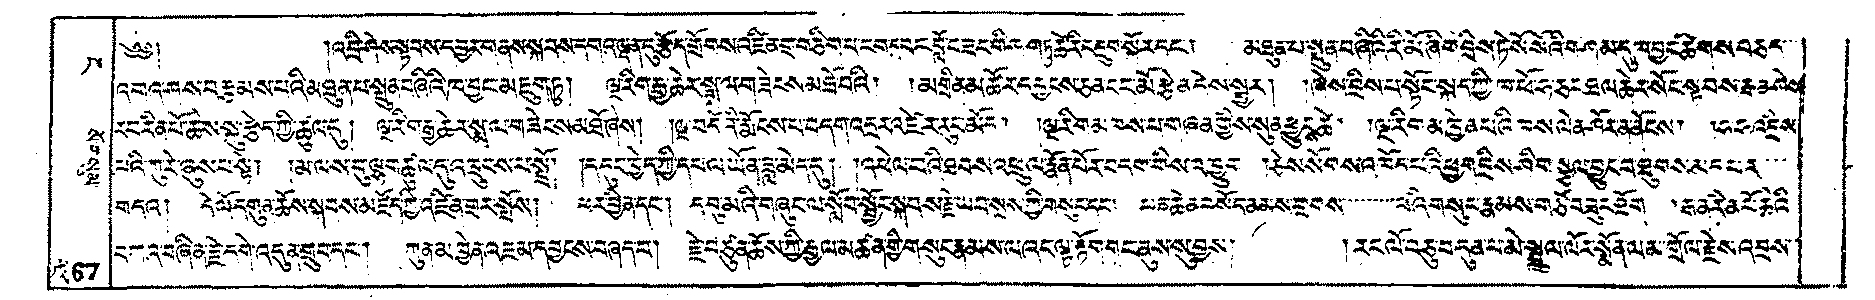༄༅། །འབྲི་ཤེས་སྟབས་དབྱར་གནས་སྐབས་དགའ་ལྡན་དུ་རྩོད་གྲོགས་འཛིན་གྲ་གཅིག་པ་ངག་དབང་བློ་བཟང་གི་ཤག་ཏུ་ཚེ་རིང་དྲུག་སྐོར་དང་། མཐུན་པ་སྤུན་བཞིའི་རི་མོ་ཞིག་བྲིས་ཏེ་སོ་སོའི་གཤམ་དུ་ཁ་བྱང་ཚིགས་བཅད་
འགའ་ཤས་བརྩམས་པའི་མཐུན་པ་སྤུན་བཞིའི་ཁ་བྱང་མཇུག་ཏུ། ལྔ་རིག་རྒྱ་ཆེར་སྨྲ་ལ་གཟེངས་མཐོ་བའི། །མགྲིན་མཚོར་དབྱངས་ཅན་ངང་མོ་རྩེན་དེས་སྦྱར། །ཞེས་བྲིས་པ་སྟོང་སྐད་ཀྱི་ཁ་ཕོ་ཧ་ཅང་ཐལ་ཆེར་སོང་སྟབས་རྒན་ཤེས་
རབ་རིན་པོ་ཆེས་སྐུ་རྩེད་ཀྱི་ཚུལ་དུ། ལྔ་རིག་རྒྱ་ཆེར་སྨྲ་ལ་གཟེངས་མཐོ་ཞེས། །ལྔ་མདོའི་རྨོངས་པ་བདག་འདྲར་འཛེར་རུང་མོད། །ལྔ་རིག་མཁས་པ་གཞན་གྱིས་སུན་ཕྱུངས་ཚེ། །ལྔ་རིག་མཁྱེན་པའི་ཁས་ལེན་ཤོར་ན་ནོངས། །ཧ་ཧ་འདྲིས་
པའི་ཀུ་རེ་ཞུས་པ་སྟེ། །མ་ལས་བུ་ལྷག་ཚུལ་དུ་འཁྲུངས་པ་སྤྲོ། །ད་དུང་ཁྱེད་ཀྱི་དཔལ་ཡོན་ཟླ་མེད་དུ། །འཕེལ་བའི་ཐབས་འཕྲུལ་རྣོན་པོར་བདག་གིས་འཁྱུག །ཅེས་སོགས་འཁོད་པའི་ཕྱག་བྲིས་ཤིག་སྩལ་བྱུང་བ་ཐུགས་མད་པར་
གདའ། དེ་ལོ་དགུན་ཆོས་སྐབས་མཛོད་ཀྱི་འཛིན་གྲར་སྤོས། ཕར་ཕྱིན་དང་། དབུ་མའི་གཞུང་ལ་སློབ་སྦྱོང་སྐབས་རྗེ་ཡབ་སྲས་ཀྱི་གསུང་དང་། པཎ་ཆེན་བསོད་ནམས་གྲགས་པའི་གསུང་རྣམས་གཙོ་བཟུང་ཐོག །རྒན་རིན་པོ་ཆེའི་
བཀའ་བཞིན་རྗེ་དགེ་འདུན་གྲུབ་དང་། ཀུན་མཁྱེན་འཇམ་དབྱངས་བཞད་པ། རྗེ་བཙུན་ཆོས་ཀྱི་རྒྱལ་མཚན་གྱི་གསུང་རྣམས་ལའང་ལྟ་རྟོག་གང་ནུས་སུ་བྱས། །རང་ལོ་བཅུ་བདུན་པ་མེ་སྦྲུལ་ལོར་སྨོན་ལམ་གྲོལ་རྗེས་འབྲས་